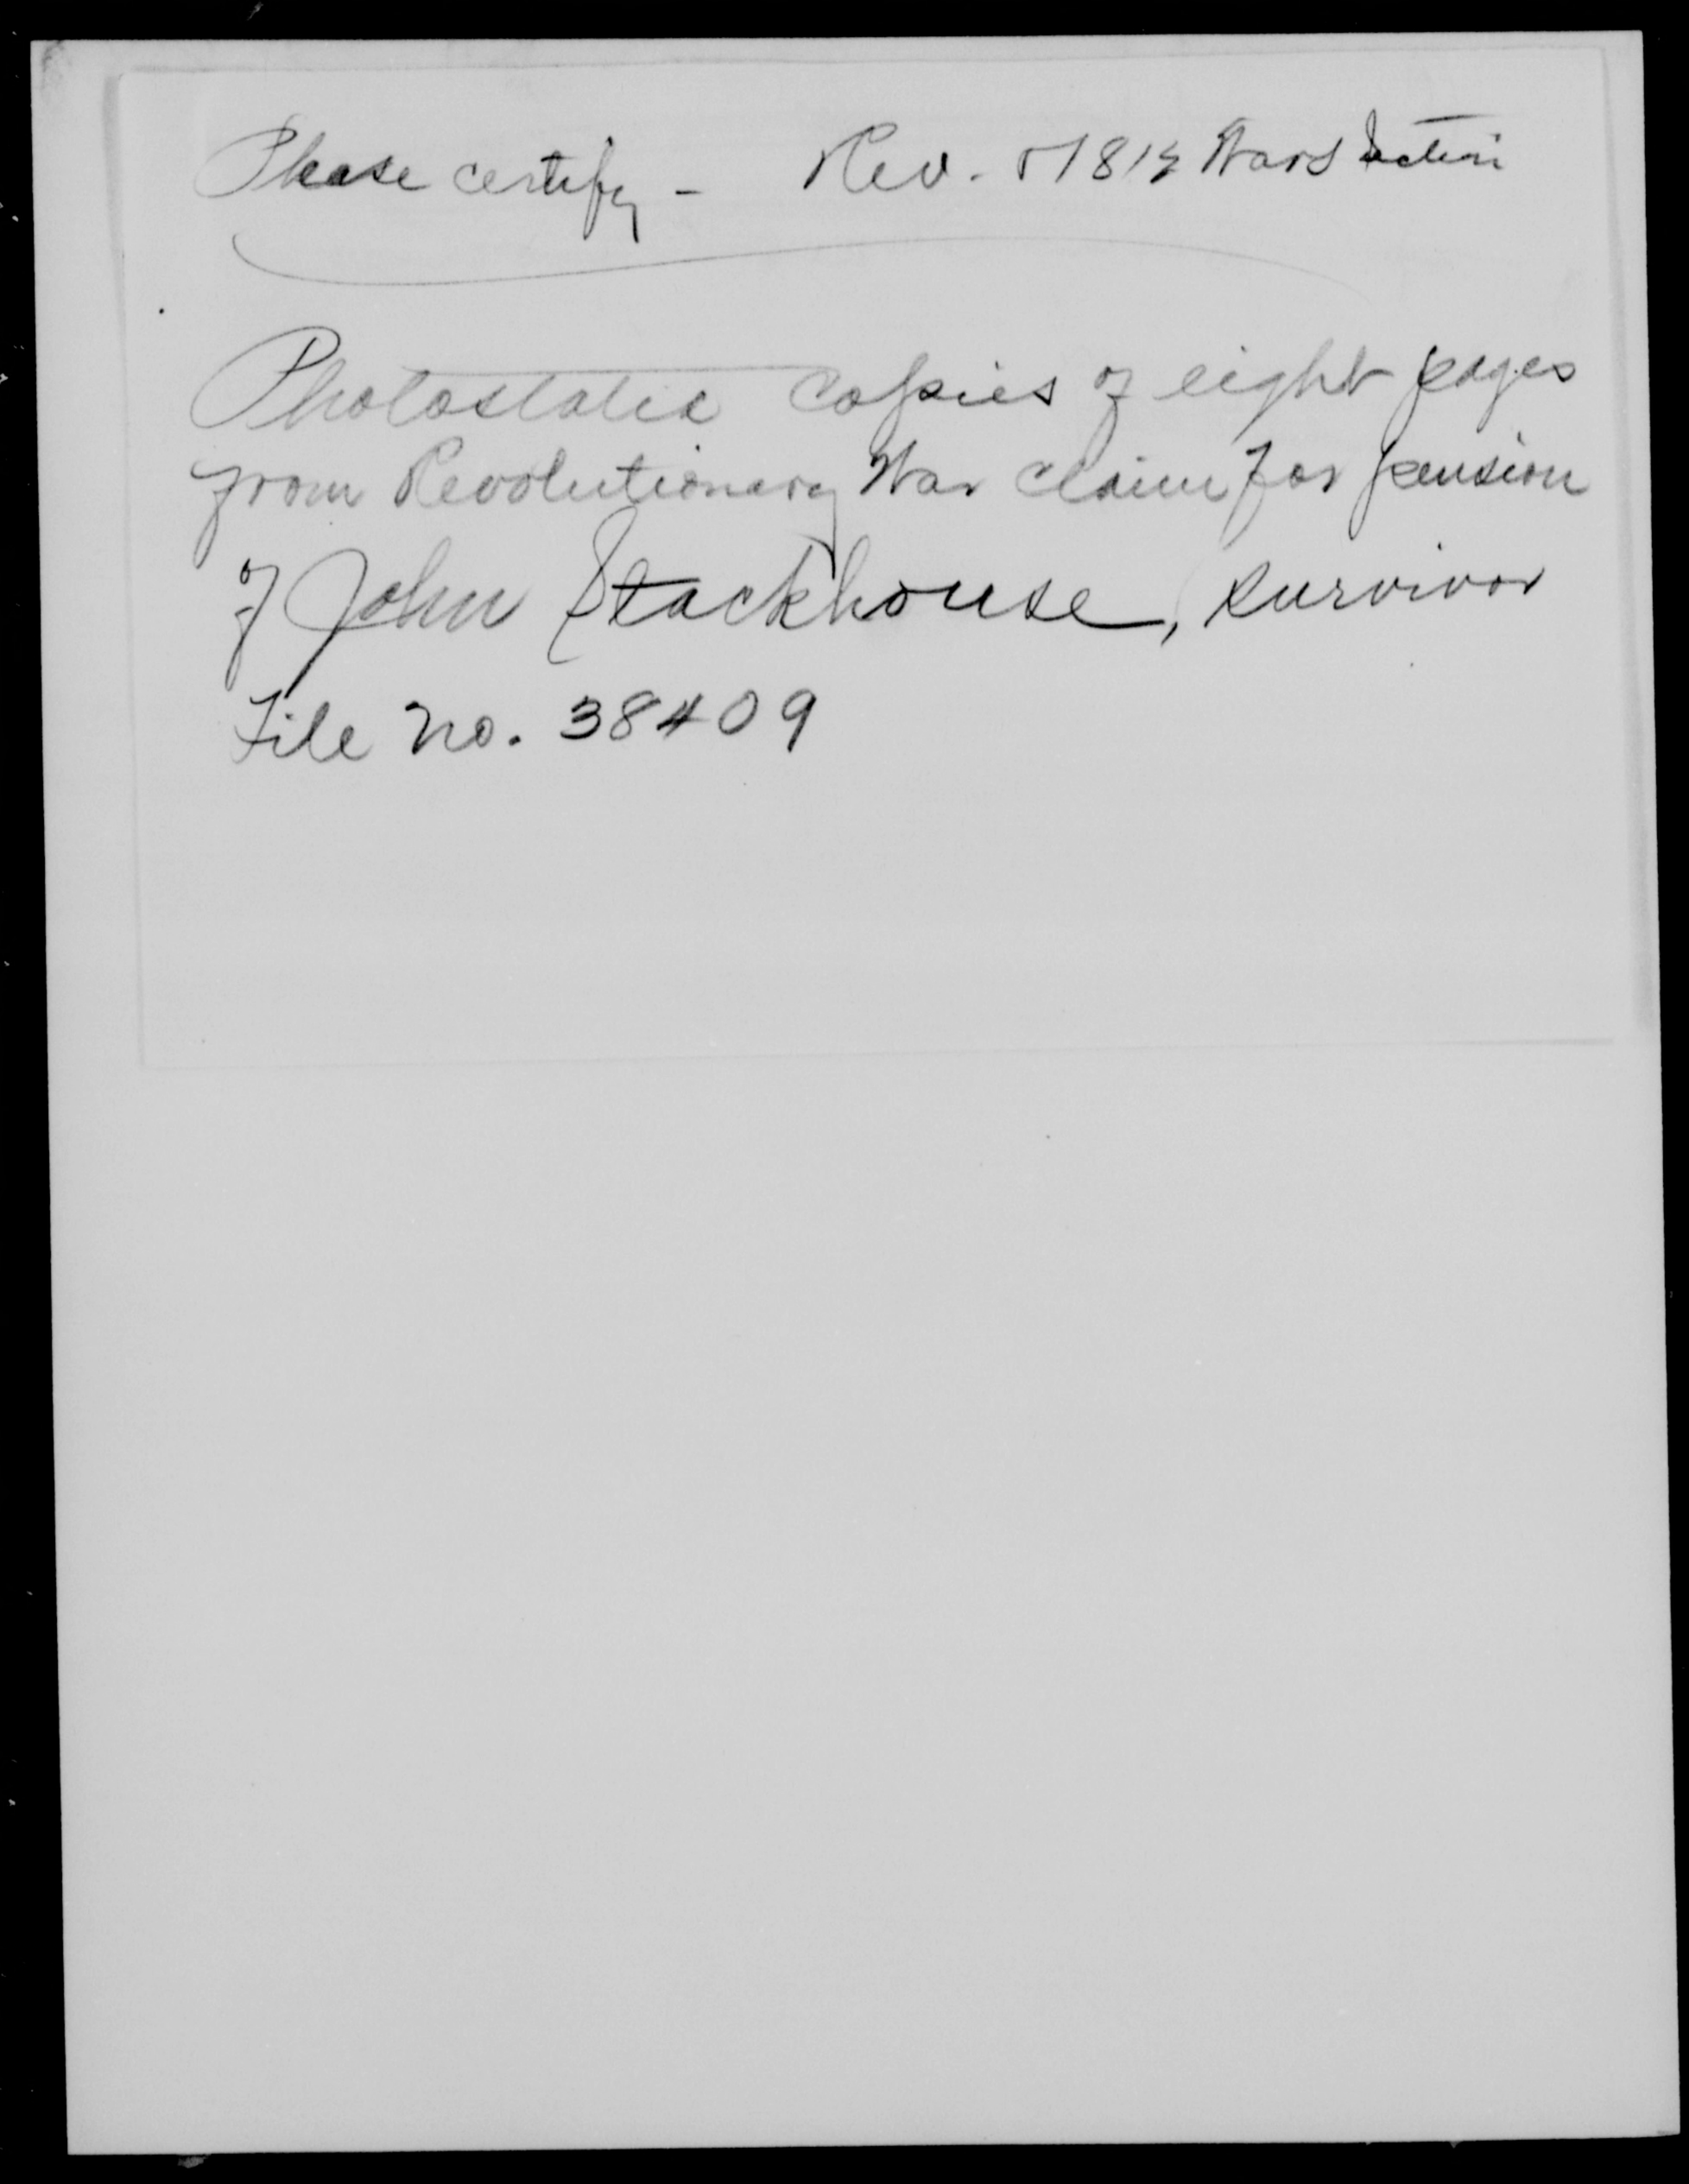Please certify - Rev. & 1812 Wars Section
Photostatic copies of eight pages from Revolutionary War claim for pension of John Stackhouse, survivor File No. 38409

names: John Stackhouse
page: 16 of 19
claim: survivor's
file: S. 38,409, for John Stackhouse, Virginia